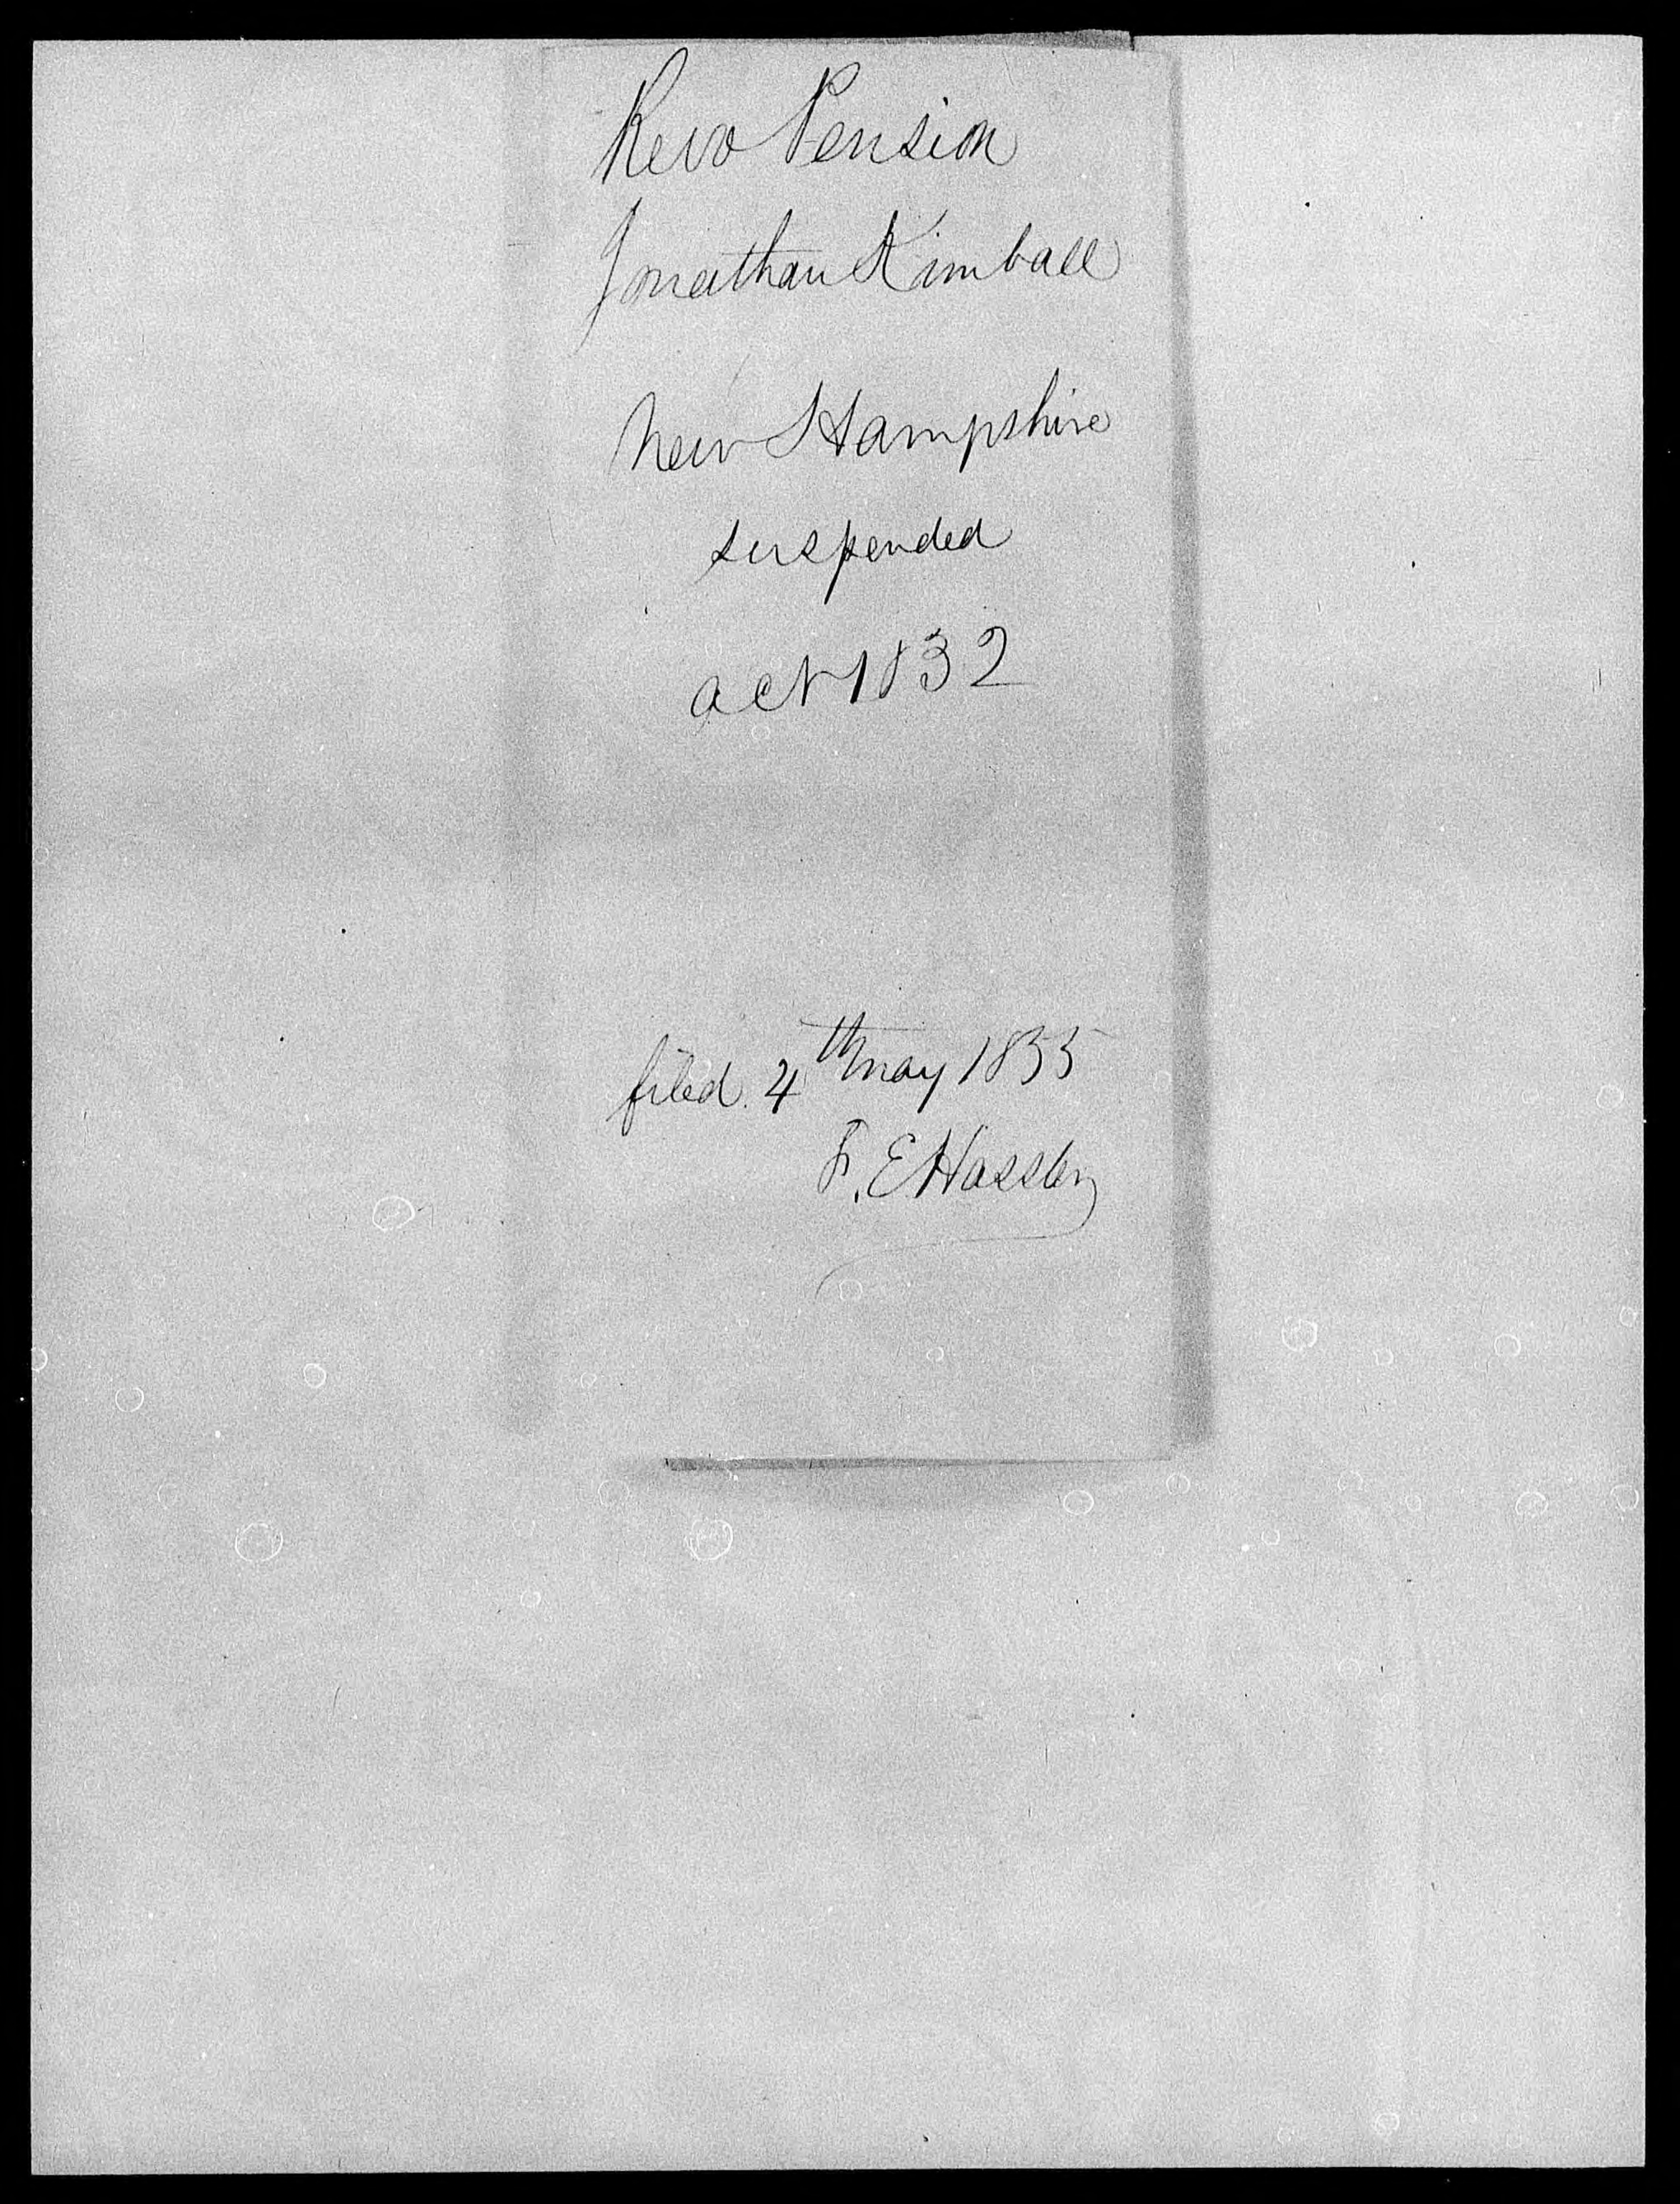Revolution Pension
Jonathan Kimball
New Hampshire
Suspended
Act 1832
filed 4th May 1835
F.E Hassler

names: Jonathan Kimball; F E Hassler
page: 4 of 14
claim: rejected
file: R 5922, for Jonathan Kimball, New Hampshire